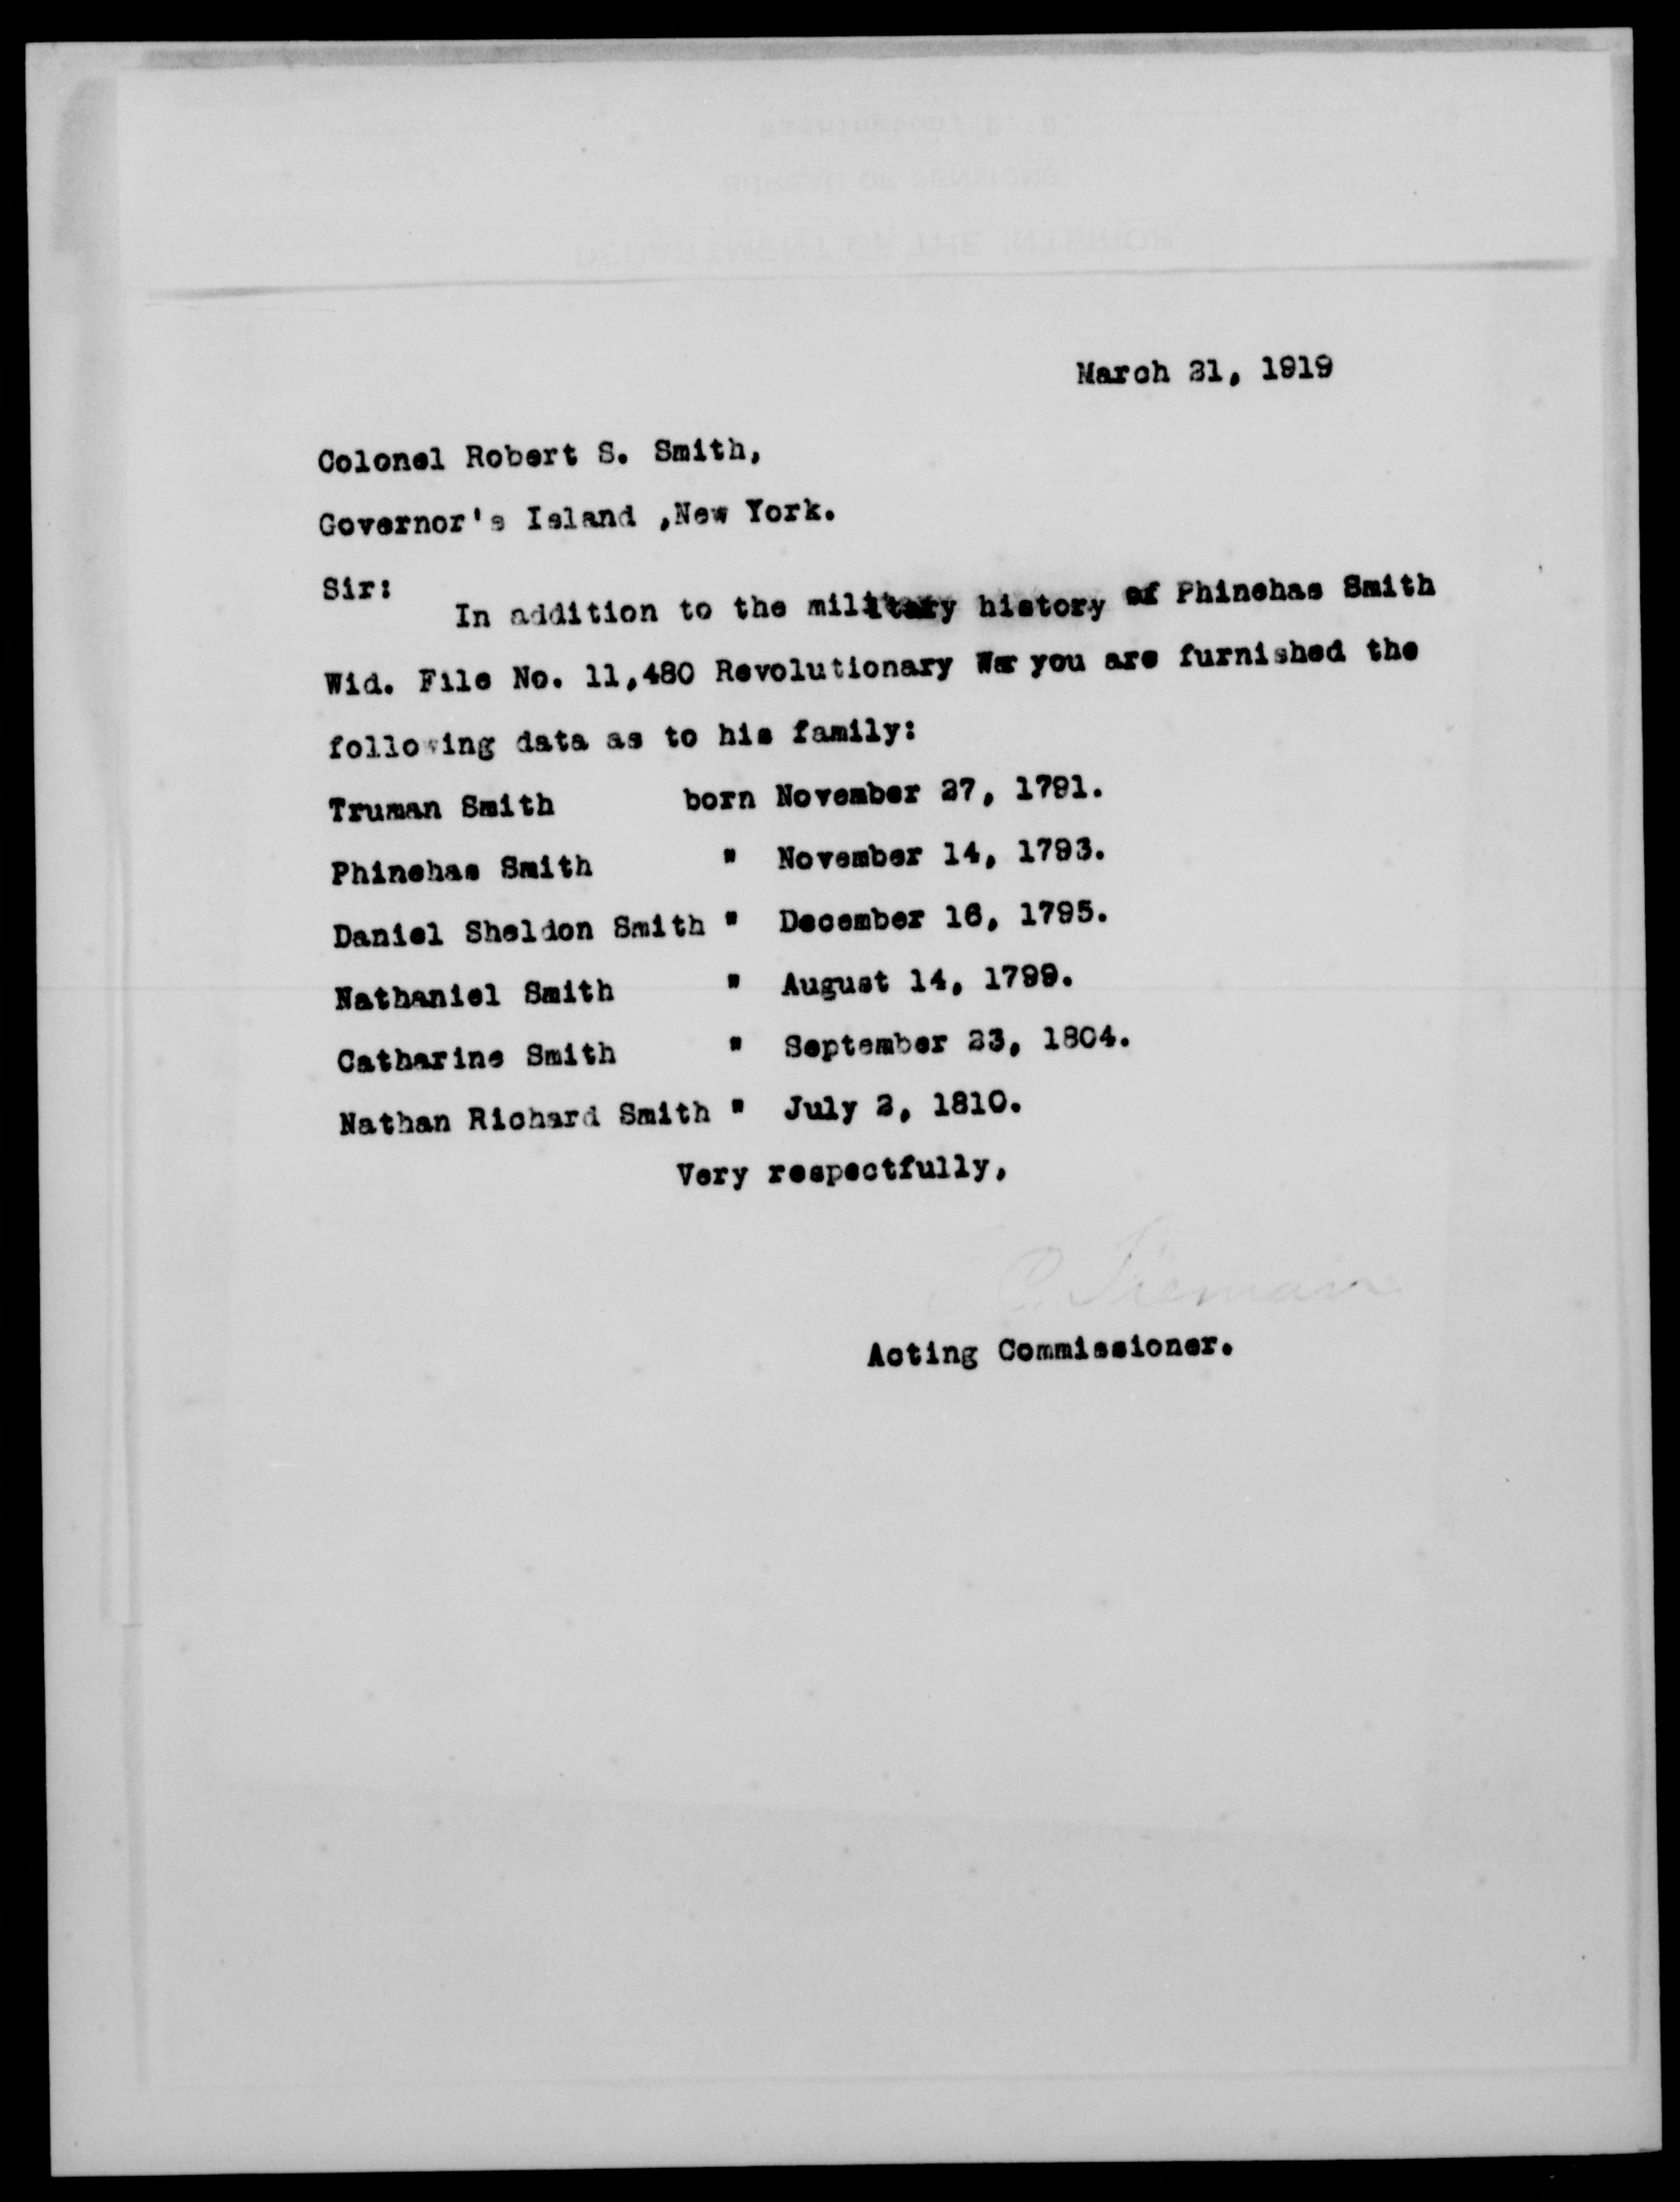March 21, 1919 Colonel Robert S. Smith, 
Governor's Island, New York. 
Sir: 
In addition to the military history of Phinehas Smith Wid. File No. 11,480 Revolutionary War you are furnished the following data as to his family: 
Truman Smith born November 27, 1791. 
Phinehas Smith November 14, 1793. 
Daniel Sheldon Smith December 16, 1795. 
Nathaniel Smith  August 14, 1799. 
Catharine Smith September 23, 1804. 
Nathan Richard Smith July 2, 1810. 
Very respectfully, 
R. Tieman
Acting Commissioner.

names: Phinehas Smith; Truman Smith; Nathan Richard Smith; Catharine Smith; Daniel Sheldon Smith; [ILLEGIBLE] Tierman; Nathaniel Smith; Phinehas Smith; Robert S Smith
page: 21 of 55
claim: widow's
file: W. 11480, for Phinehas Smith, Connecticut